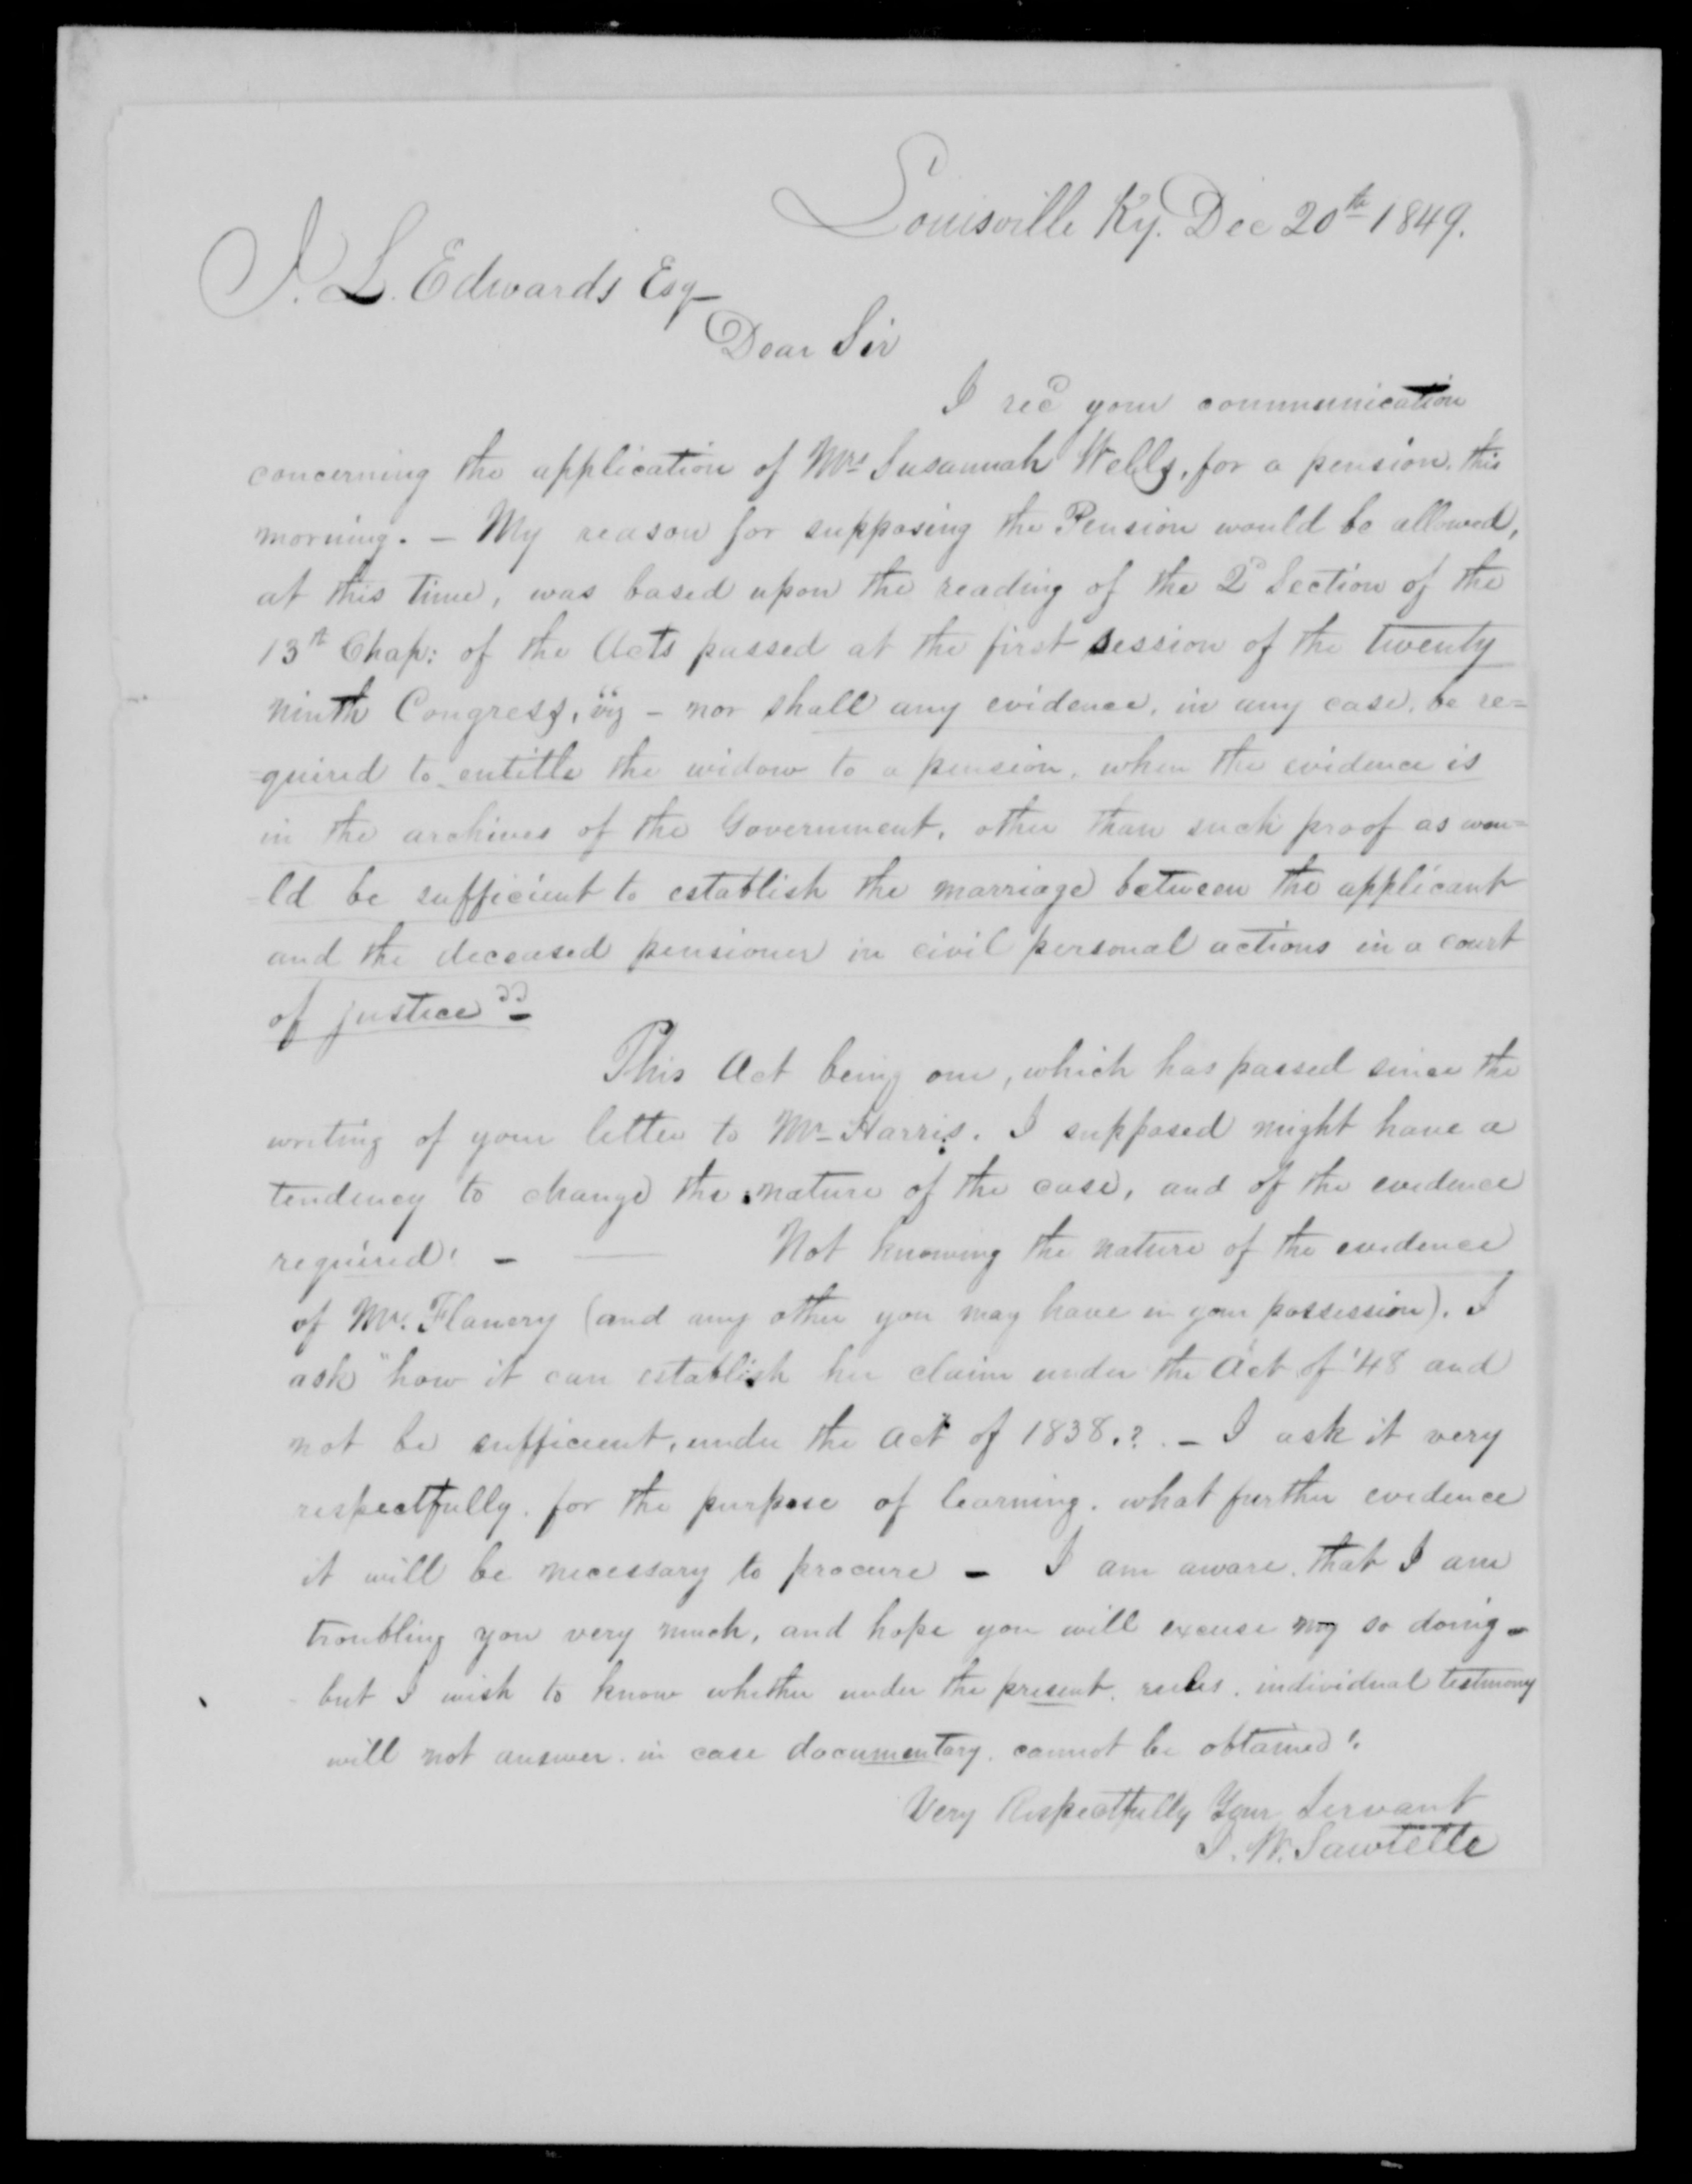Louisville Ky. Dec 20th 1849.  J. L. Edwards Esq.  Dear Sir I rec'd your communication concerning the application of Mrs. Susannah  Wells for a pension this morning. - My reason for supposing the Pension would be allowed at this time was based upon the reading of the 2nd Section of  the 13th Chap : of the Acts passed at the first  Session of the twenty ninth Congress i.e. - "nor shall any evidence in any case be required to entitle the widow to a pension , when the evidence is in the archives of the government , other than such proof as could be sufficient to establish the marriage between the applicant and the deceased pensioner in civil personal action in a court of justice ". ( All quoted  is underscored ) This Act being one , which has passed since the writing of your letter to Mr. Harris . I suppose might have a tendency to change the nature of the case, and of the evidence required.  Not knowing the nature of the evidence of Mr. Flanery  ( and of any other you may have in your possession ). I ask " how it can establish her claim under the Act of '48 and not be sufficient, under the Act of 1838 "? - I ask it very respectfully  for the  purpose of learning , what further evidence it will be necessary to procure - I am aware that I am troubling you  very much, and hope you will excuse my so doing - but I wish to know whether under the present ( underscored ) rules, individual testimony will not answer in case documentary ( underscored ) cannot be obtained: Very Respectfully Your Servant  J. W. Sawtelle ( signed )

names: Flanery, J W Sawtelle, Susannah Wells, Harris, J L Edwards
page: 45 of 100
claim: widow's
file: W. 6437, Richard Wells, Ga Va.